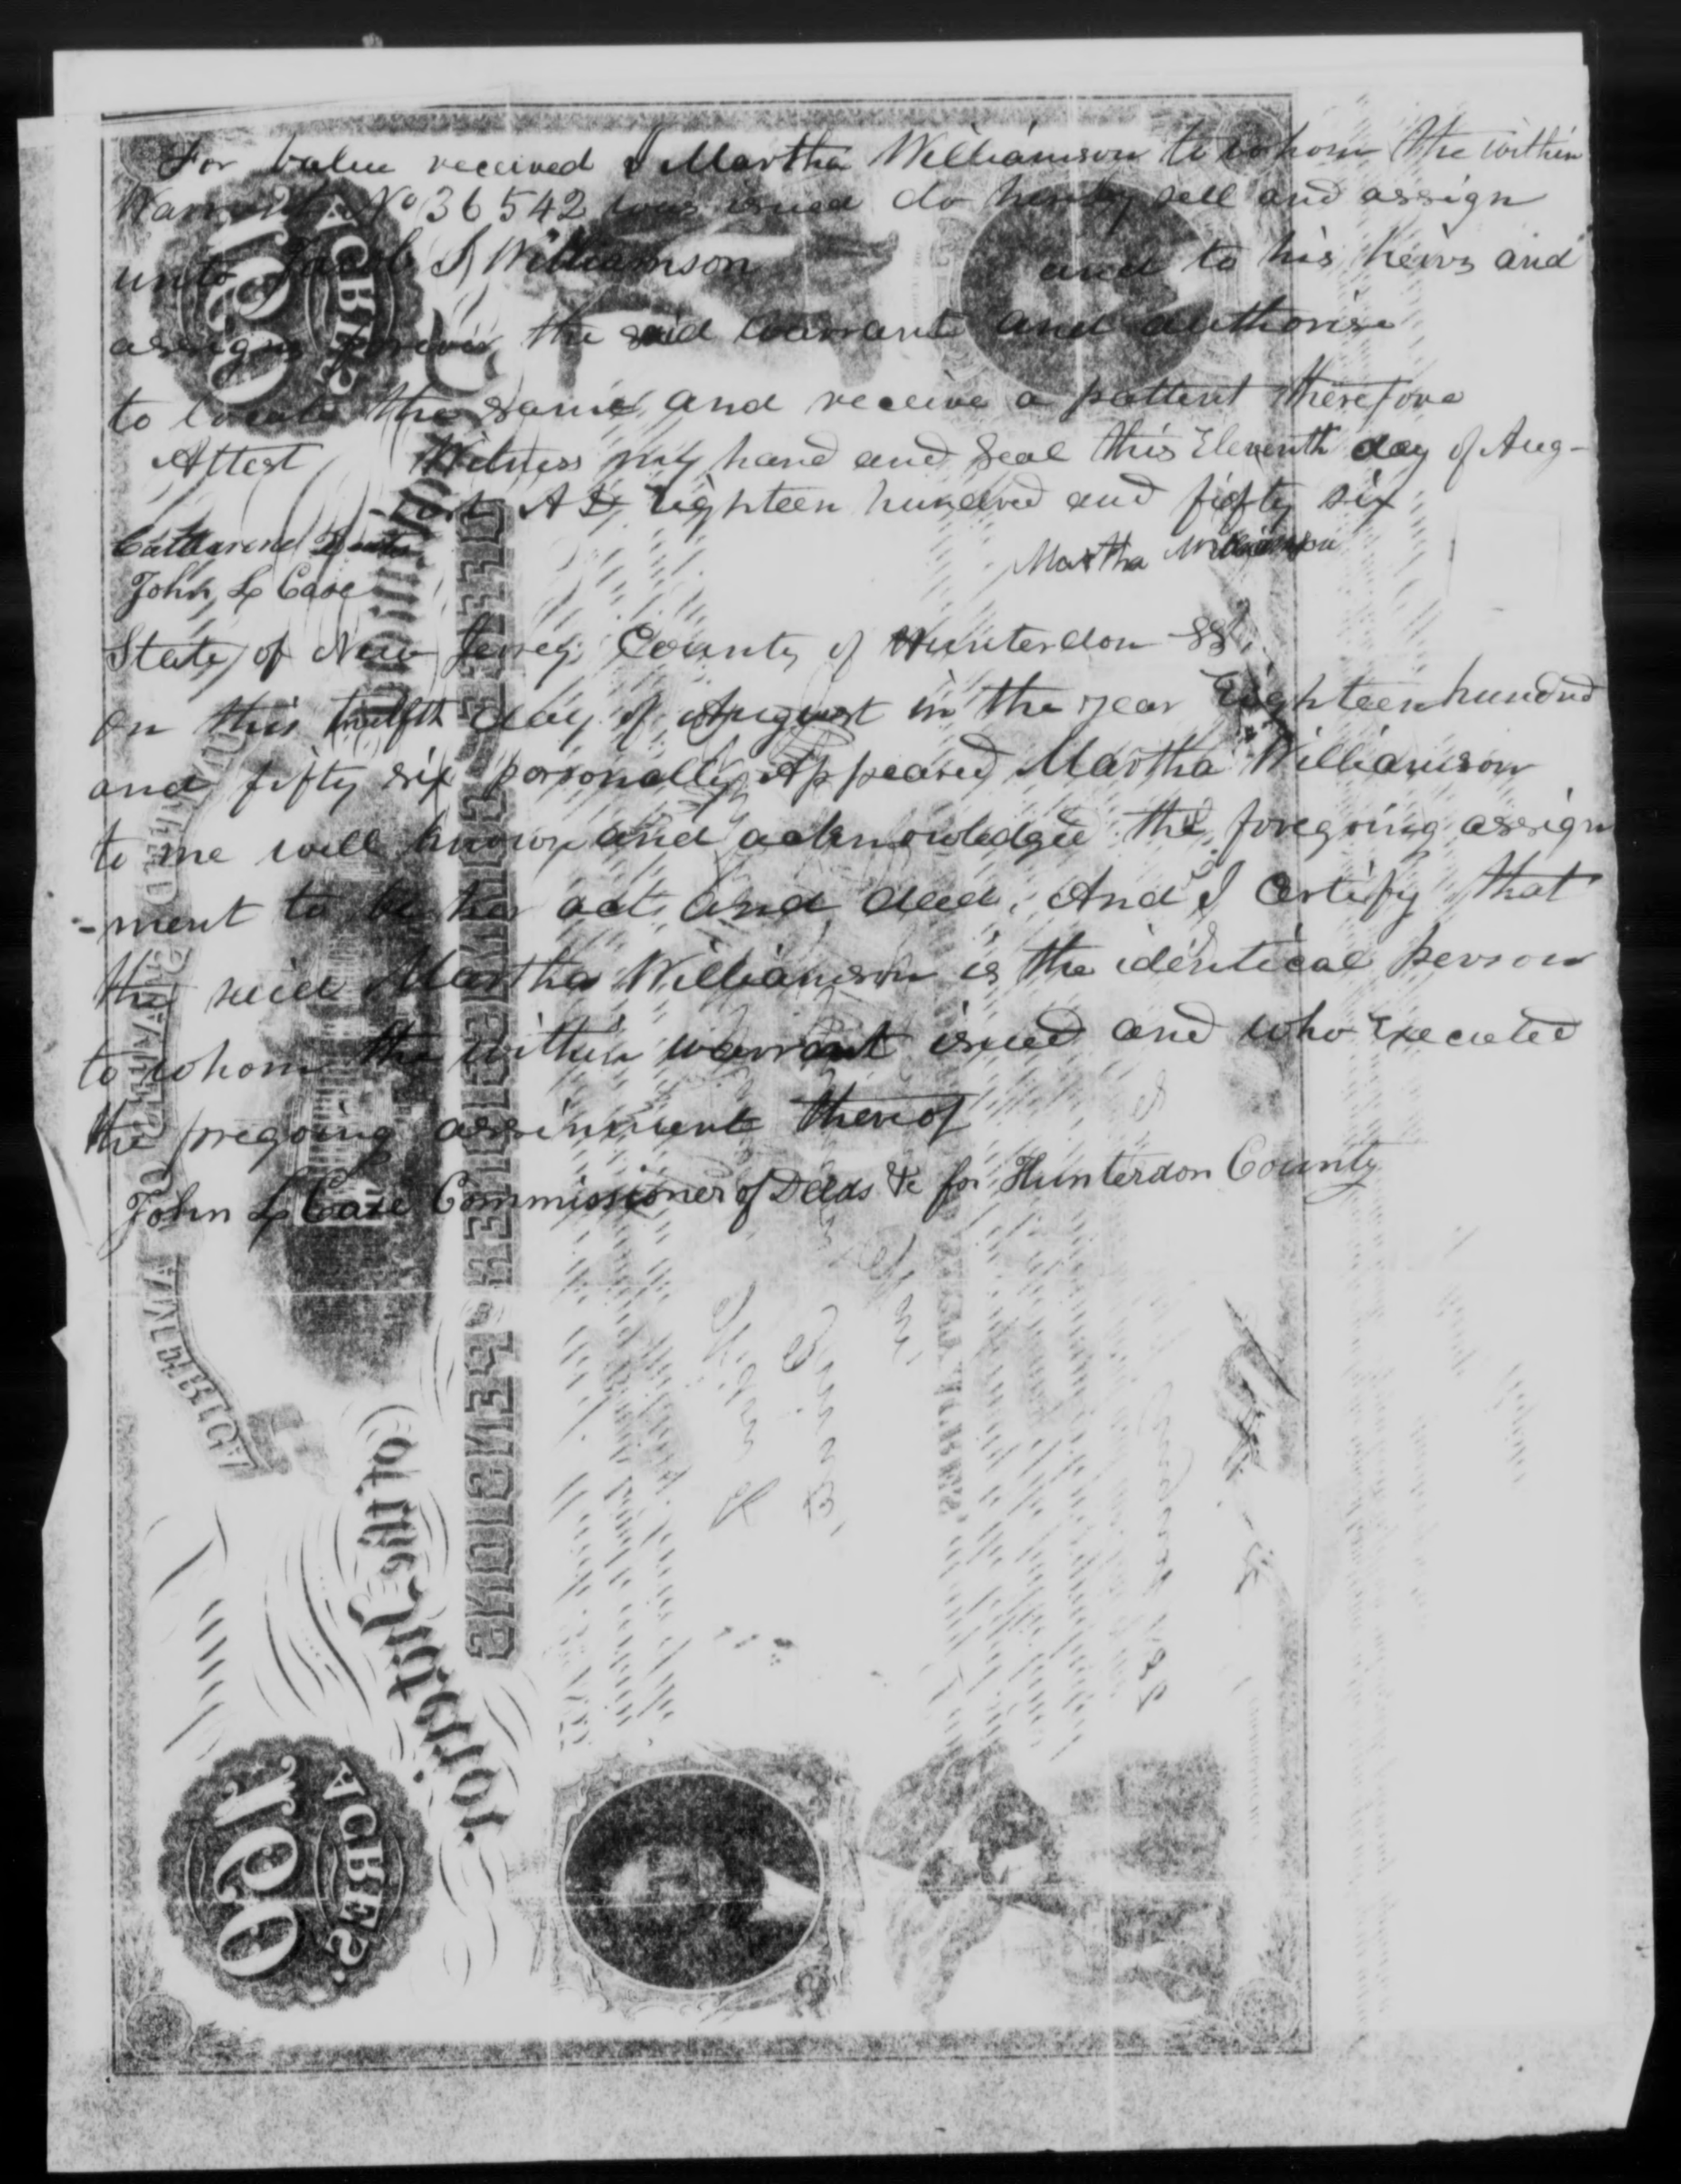For value received, I, Martha Williamson, to whom the within Warrant No. 36542 was issued, do hereby sell and assign unto Jacob S. Williamson and to his heirs and assigns, preserves the said warrant and authorize to covet the same and receive a patent therefore.
Witness my Hand and Seal this Eleventh day of August A,D. Eighteen Hundred and Fifty six.
s/ Martha Williamson

Attest:
s/ Catharine Foster
s/ John L. Case

State of New Jersey
County of Hunterdon//

On this Twelfth day of August in the year Eighteen Hundred and Fifty six, personally appeared Martha Williamson, to me well known and acknowledged, the foregoing assignment to be her act and deed. And I certify that the said Martha Williamson is the identical person to whom the within warrant issued and who executed the assignment thereof.
s/ John L. Case, Commissioner of Deeds &c. for Hunterdon County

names: Jacob S Williamson, Martha Williamson, John L Case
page: 63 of 67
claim: widow's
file: W. 2393, Jacob Williamson, New Jersey